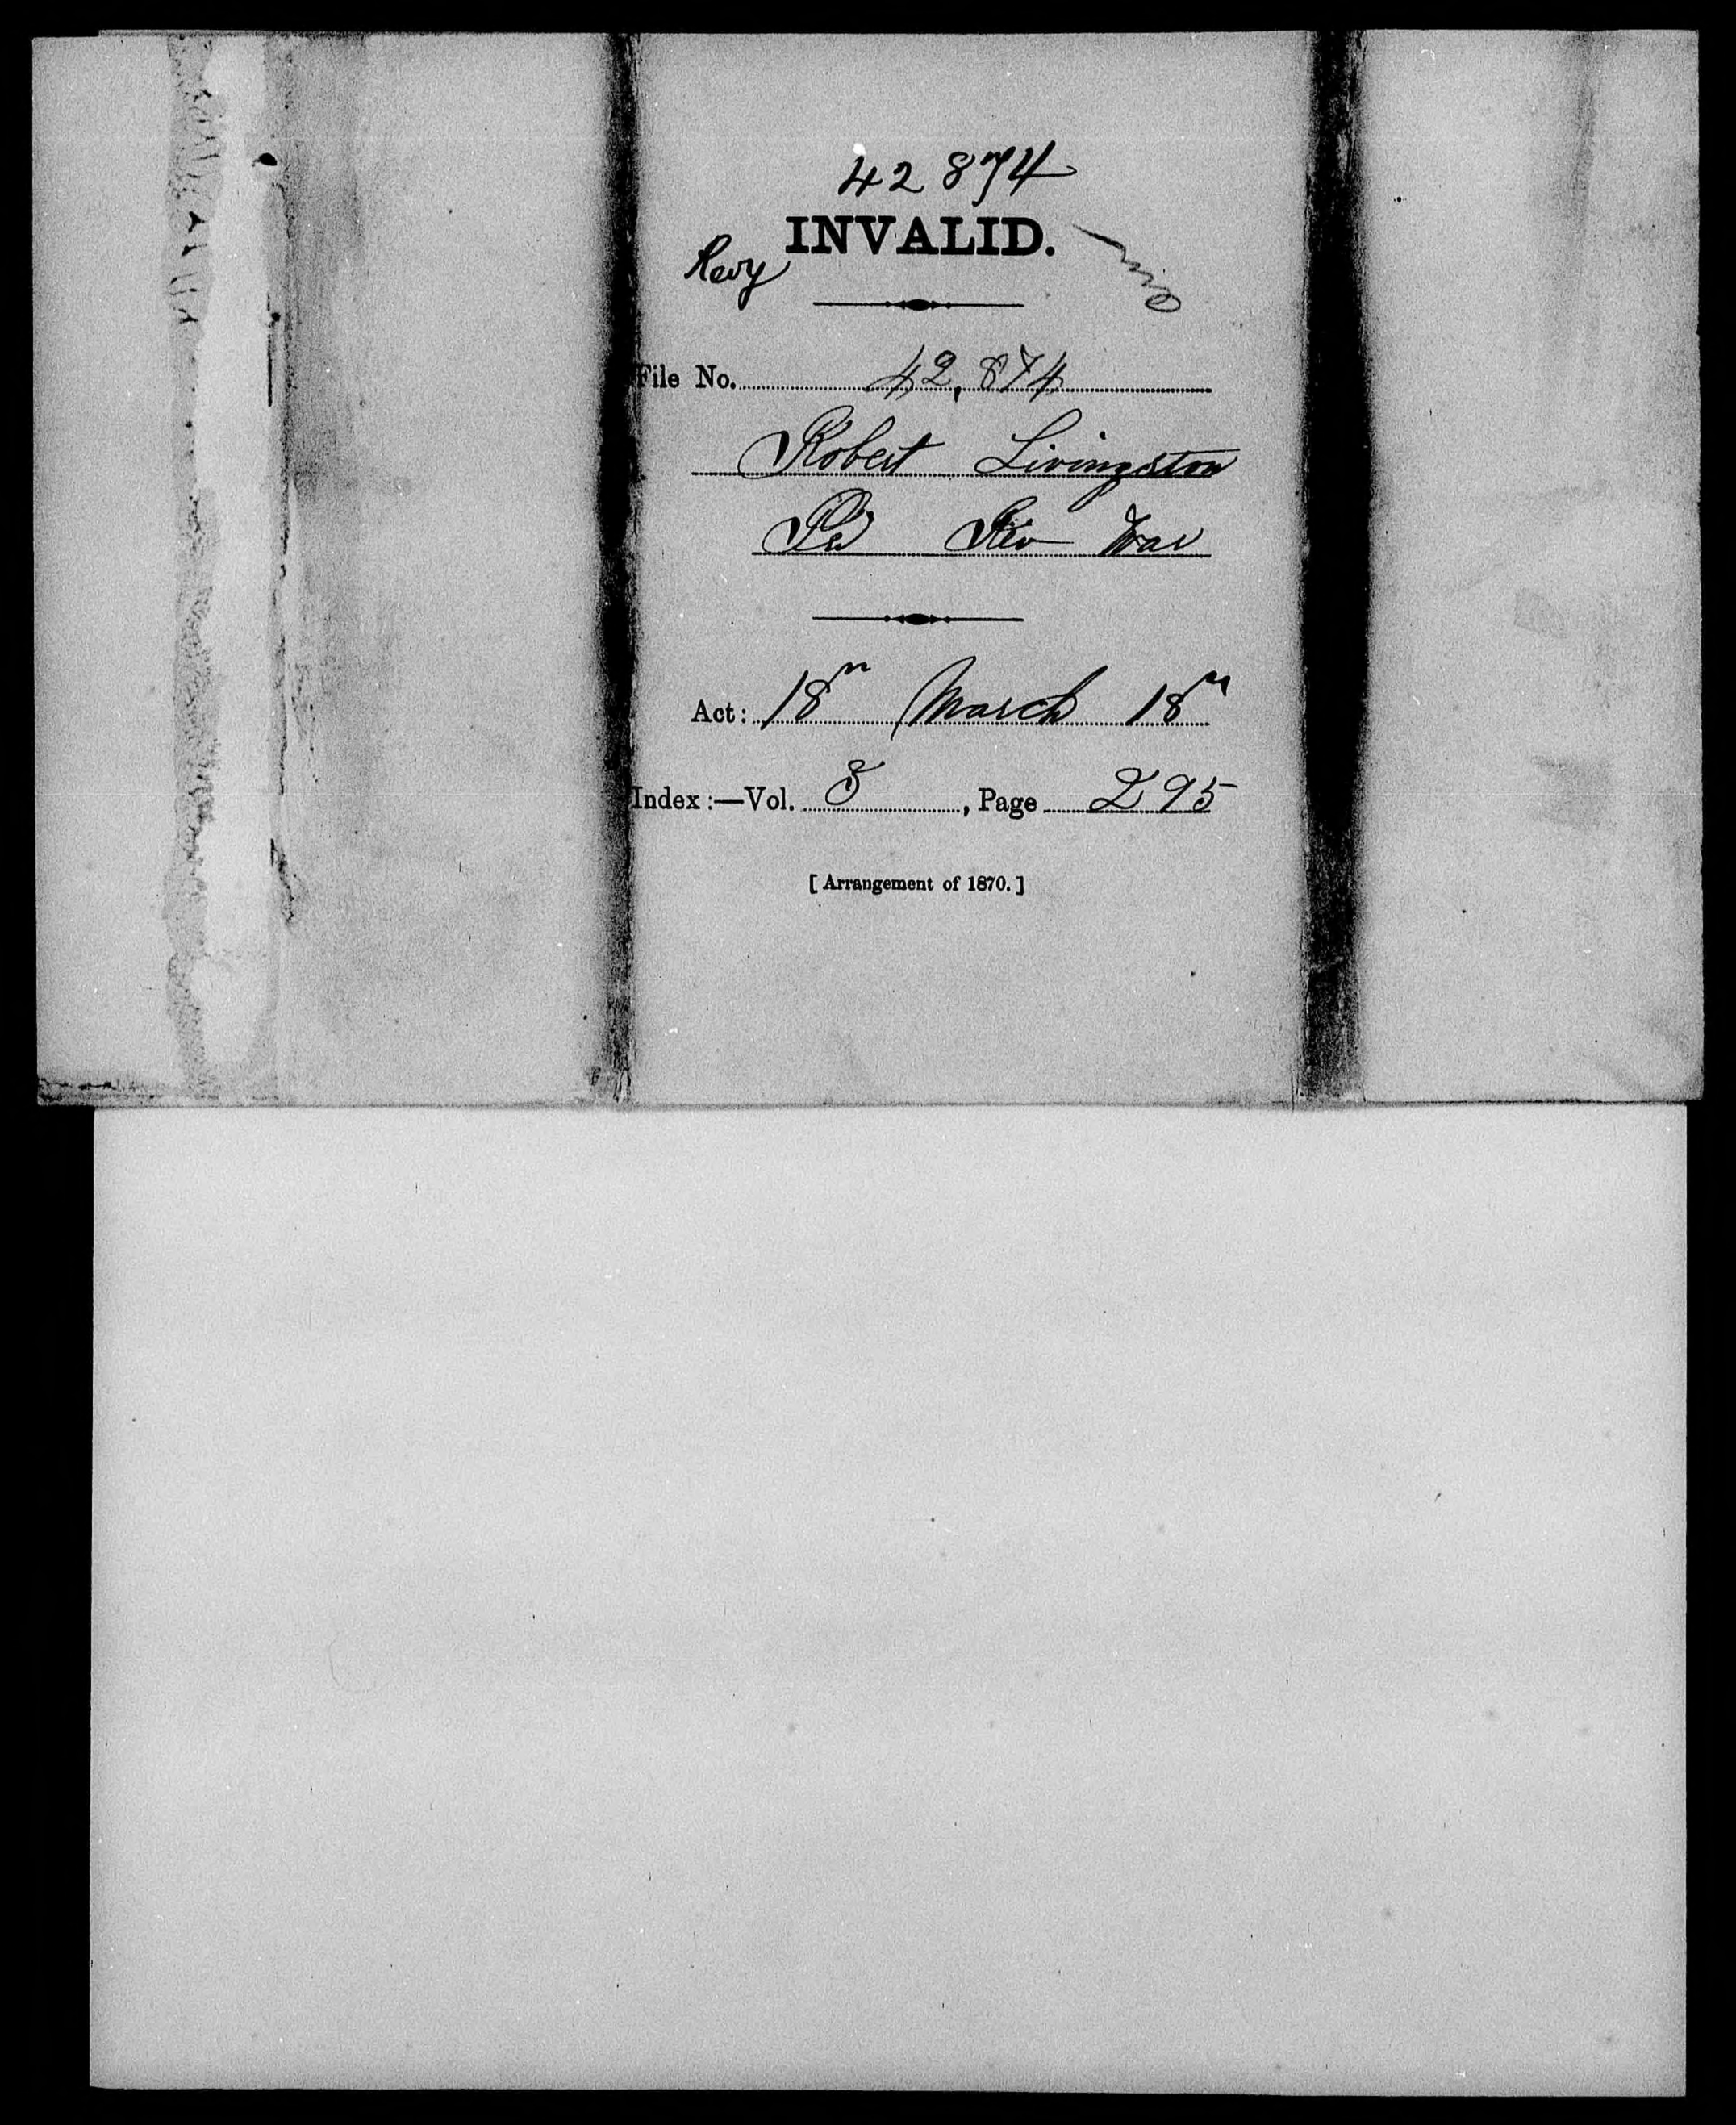42874
Revy INVALID

File No 42,874
Robert Livingston
Pri Rev war

Act: 18 March 1818

Index: Vol G Page 295

[Arrangement of 1870.]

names: Robert Livingston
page: 8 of 23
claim: survivor's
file: S 42874, for Robert Livingston, Maryland